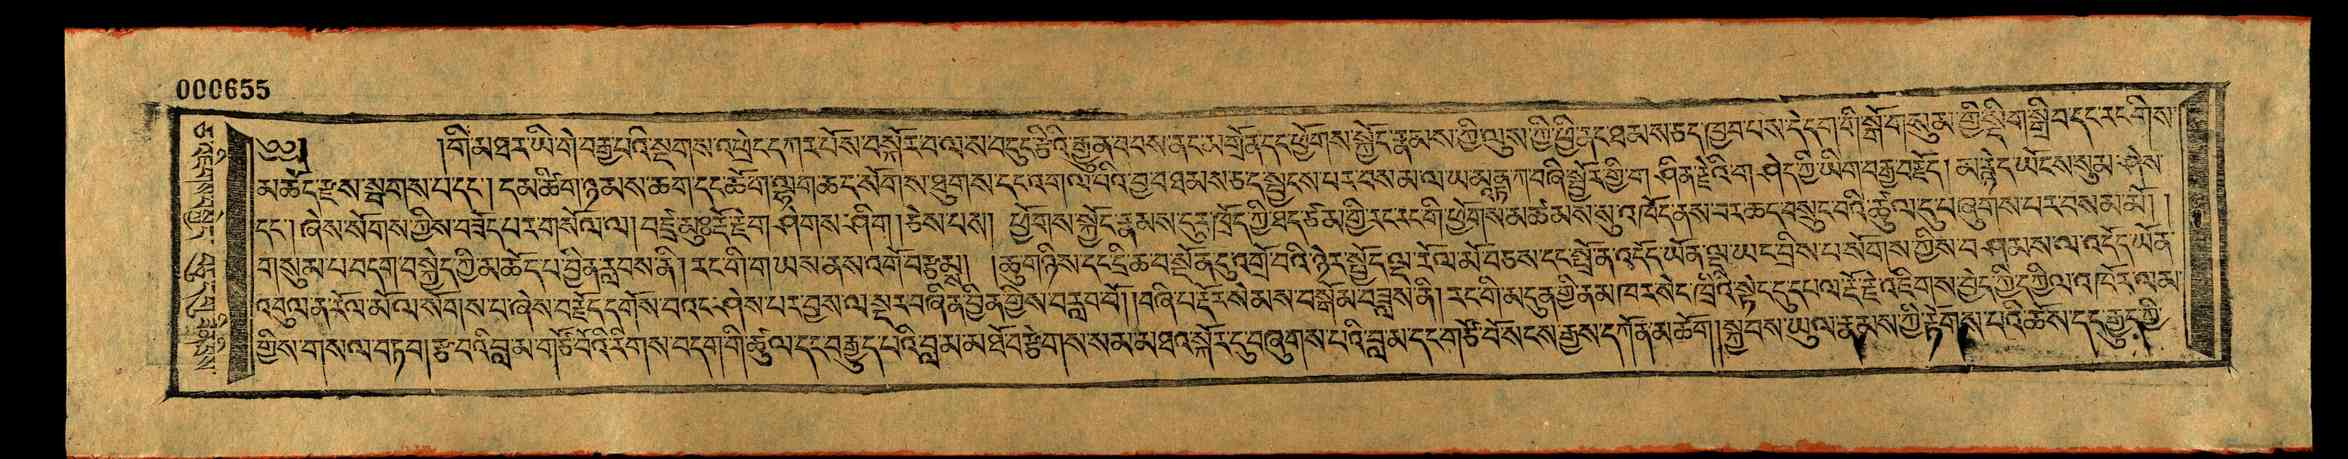༄༅། །གི་མཐར་ཡི་གེ་བརྒྱ་པའི་སྔགས་འཕྲེང་དཀར་པོས་བསྐོར་བ་ལས་བདུད་རྩིའི་རྒྱུན་བབས་ནང་མགྲོན་དང་ཕྱོགས་སྐྱོང་རྣམས་ཀྱི་ལུས་ཀྱི་ཕྱི་ནང་ཐམས་ཅད་ཁྱབ་པས་དེ་དག་གི་སྒོ་གསུམ་གྱི་སྡིག་སྒྲིབ་དང་རང་གིས་
མཆོད་རྫས་སྦགས་པ་དང་། དམ་ཚིག་ཉམས་ཆག་དང་ཆོ་ག་ལྷག་ཆད་སོགས་ཐུགས་དང་འགལ་བའི་བྱ་བ་ཐམས་ཅད་སྦྱངས་པར་བསམ་ལ་ཡ་མཱ་ནྟ་ཀ་བཞི་སྦྱོར་གྱི་གཤིན་རྗེའི་གཤེད་ཀྱི་ཡིག་བརྒྱ་བརྗོད། མ་རྙེད་ཡོངས་སུ་མ་ཤེས་
དང༑ ཞེས་སོགས་ཀྱིས་བཟོད་པར་གསོལ་ལ། བཛྲ་མུཿ རྡོ་རྗེ་གཤེགས་ཤིག །ཅེས་པས། །ཕྱོགས་སྐྱོང་རྣམས་དུར་ཁྲོད་ཀྱི་ཐད་ཙམ་གྱི་རང་རང་གི་ཕྱོགས་མཚམས་སུ་འཁོད་ནས་བར་ཆད་བསྲུང་བའི་ཚུལ་དུ་བཞུགས་པར་བསམ་མོ། །
གསུམ་པ་བདག་བསྐྱེད་ཀྱི་མཆོད་པ་བྱིན་རླབས་ནི། རང་གི་གཡས་ནས་འགོ་བརྩམས་ཏེ་ཆ་གཉིས་དང་དྲི་ཆབ་སྔོན་དུ་འགྲོ་བའི་ཉེར་སྤྱོད་ལྔ་རོལ་མོ་བཅས་དང་སྤྲོ་ན་འདོད་ཡོན་ལྔ་ཡང་བྲིས་པ་སོགས་ཀྱིས་བཤམས་ལ་འདོད་ཡོན་
འབུལ་ན་རོལ་མོ་ལ་སོགས་པ་ཞེས་བརྗོད་དགོས་པའང་ཤེས་པར་བྱས་ལ་སྔར་བཞིན་བྱིན་གྱིས་བརླབ་བོ། །བཞི་པ་རྡོར་སེམས་བསྒོམ་བཟླས་ནི། རང་གི་མདུན་གྱི་ནམ་མཁར་སེང་ཁྲིའི་སྟེང་དུ་དཔལ་རྡོ་རྗེ་འཇིགས་བྱེད་ཀྱི་དཀྱིལ་འཁོར་ལམ་
གྱིས་གསལ་བཏབ། རྩ་བའི་བླ་མ་གཙོ་བོའི་རིགས་བདག་གི་ཚུལ་དང་བརྒྱུད་པའི་བླ་མ་མཐོ་བརྩེགས་སམ་མཐའ་སྐོར་དུ་བཞུགས་པའི་བླ་མ་དང་གཙོ་བོ་སངས་རྒྱས་དཀོན་མཆོག །སྐྱབས་ཡུལ་རྣམས་ཀྱི་རྟོགས་པའི་ཆོས་དང་རྒྱུད་ཀྱི་